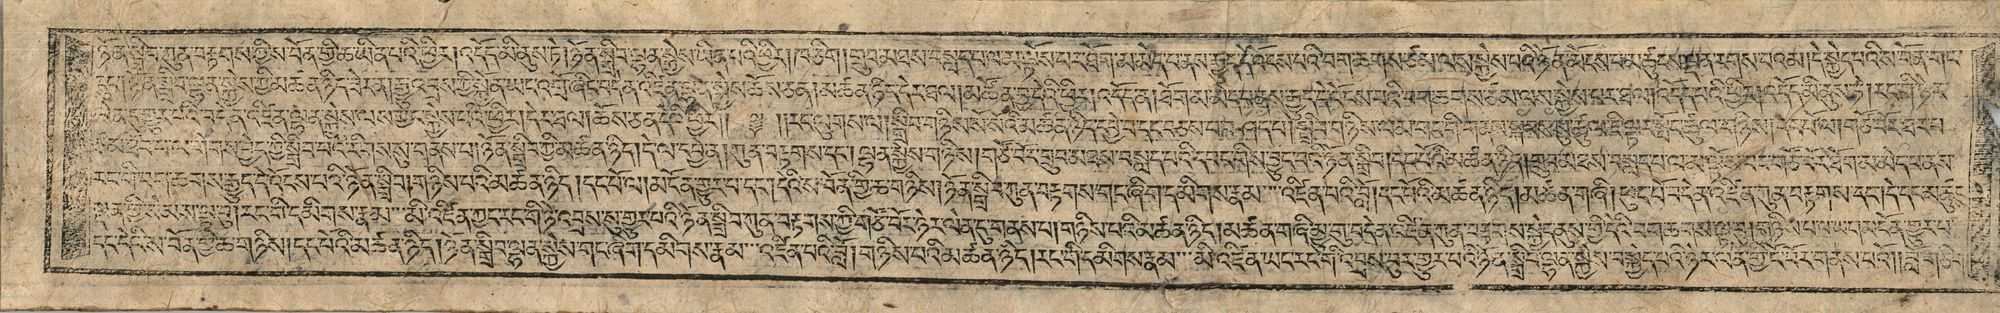ཉོན་སྒྲིབ་ཀུན་བརྟགས་ཀྱི་ས་བོན་གྱི་ཆ་ཡིན་པའི་ཕྱིར། འདོད་མི་ནུས་ཏེ། ཉོན་སྒྲིབ་ལྷན་སྐྱེས་ཡིན་པའི་ཕྱིར། ཁ་ཅིག །གྲུབ་མཐས་བསླད་པ་ལ་མ་ལྟོས་པར་ཐོག་མ་མེད་པ་ནས་རྒྱུད་དེ་འོངས་པའི་བག་ཆགས་ཙམ་ལས་སྐྱེས་པའི་ཉོན་མོངས་པ་མཚུངས་ལྡན་རགས་བའམ། དེ་སྐྱེད་པའི་ས་བོན་གང་
རུང་། ཉོན་སྒྲིབ་ལྷན་སྐྱེས་ཀྱི་མཚན་ཉིད་ཟེར་ན། རྒྱུ་འབྲས་ཀྱི་སྐྱོན་ཡང་འགྲོ་ཞིང་བདེན་འཛིན་ལྷན་སྐྱེས་ཆོས་ཅན། མཚན་ཉིད་དེར་ཐལ། མཚོན་བྱ་དེའི་ཕྱིར། འདོད་ན། ཐོག་མ་མེད་པ་ནས་རྒྱུད་དེ་འོངས་པའི་བག་ཆགས་ཙམ་ལས་སྐྱེས་པར་ཐལ། འདོད་པའི་ཕྱིར། འདོད་མི་ནུས་ཏེ། རང་གི་ཉེར་
ལེན་དུ་གྱུར་པའི་བདེན་འཛིན་ལྷན་སྐྱེས་ལས་ཀྱང་སྐྱེས་པའི་ཕྱིར། དེར་ཐལ། ཆོས་ཅན་དེའི་ཕྱིར།། ༈ །།རང་ལུགས་ལ། སྒྲིབ་གཉིས་སོ་སོའི་མཚན་ཉིད་དབྱེ་བ་དང་བཅས་པ་བཤད་པ། སྒྲིབ་གཉིས་ལམ་གང་གི་གནས་སྐབས་སུ་ཚུལ་ཇི་ལྟར་སྤོང་ཚུལ་གཉིས། དང་པོ་ལ། གཙོ་བོར་ཐར་པ་
ཙམ་ཐོབ་པ་ལ་གེགས་བྱེད་ཀྱི་སྒྲིབ་པའི་རིགས་སུ་གནས་པ། ཉོན་སྒྲིབ་ཀྱི་མཚན་ཉིད། དེ་ལ་དབྱེ་ན། ཀུན་བརྟགས་དང་། ལྷན་སྐྱེས་གཉིས། གཙོ་བོར་གྲུབ་མཐས་བསླད་པའི་དབང་གིས་བྱུང་བའི་ཉོན་སྒྲིབ། དང་པོའི་མཚན་ཉིད། གྲུབ་མཐས་བསླད་པ་ལ་མ་ལྟོས་པར་གཙོ་བོར་ཐོག་མ་མེད་པ་ནས་
རང་གི་བག་ཆགས་རྒྱུད་དེ་འོངས་པའི་ཉོན་སྒྲིབ། གཉིས་པའི་མཚན་ཉིད། དང་པོ་ལ། མངོན་གྱུར་བ་དང་། དེའི་ས་བོན་གྱི་ཆ་གཉིས། ཉོན་སྒྲིབ་ཀུན་བརྟགས་གང་ཞིག་དམིགས་རྣམ་འཛིན་པའི་བློ། དང་པོའི་མཚན་ཉིད། མཚན་གཞི། ཕུང་པོ་བདེན་འཛིན་ཀུན་བརྟགས་དང་། དེ་དང་མཚུངས་
ལྡན་གྱི་སེམས་ལྟ་བུ། རང་གི་དམིགས་རྣམ་མི་འཛིན་ཀྱང་རང་གི་ཉེ་འབྲས་སུ་གྱུར་བའི་ཉོན་སྒྲིབ་ཀུན་བརྟགས་ཀྱི་གཙོ་བོར་ཉེར་ལེན་དུ་གནས་པ། གཉིས་པའི་མཚན་ཉིད། མཚན་གཞི་མྱུ་གུ་བདེན་འཛིན་ཀུན་བརྟགས་སྐྱེད་ནུས་གྱི་དེའི་བག་ཆགས་ལྟ་བུ། གཉིས་པ་ལ་ཡང་། མངོན་གྱུར་པ་
དང་དེའི་ས་བོན་གྱི་ཆ་གཉིས། དང་པོའི་མཚན་ཉིད། ཉོན་སྒྲིབ་ལྷན་སྐྱེས་གང་ཞིག་དམིགས་རྣམ་འཛིན་པའི་བློ། གཉིས་པའི་མཚན་ཉིད། རང་གི་དམིགས་རྣམ་མི་འཛིན་ཡང་རང་གི་འབྲས་བུར་གྱུར་པའི་ཉོན་སྒྲིབ་ལྷན་སྐྱེས་བསྐྱེད་པའི་ཉེར་ལེན་གྱི་ངོ་བོར་གནས་པའོ། །བློ་གཅིག་